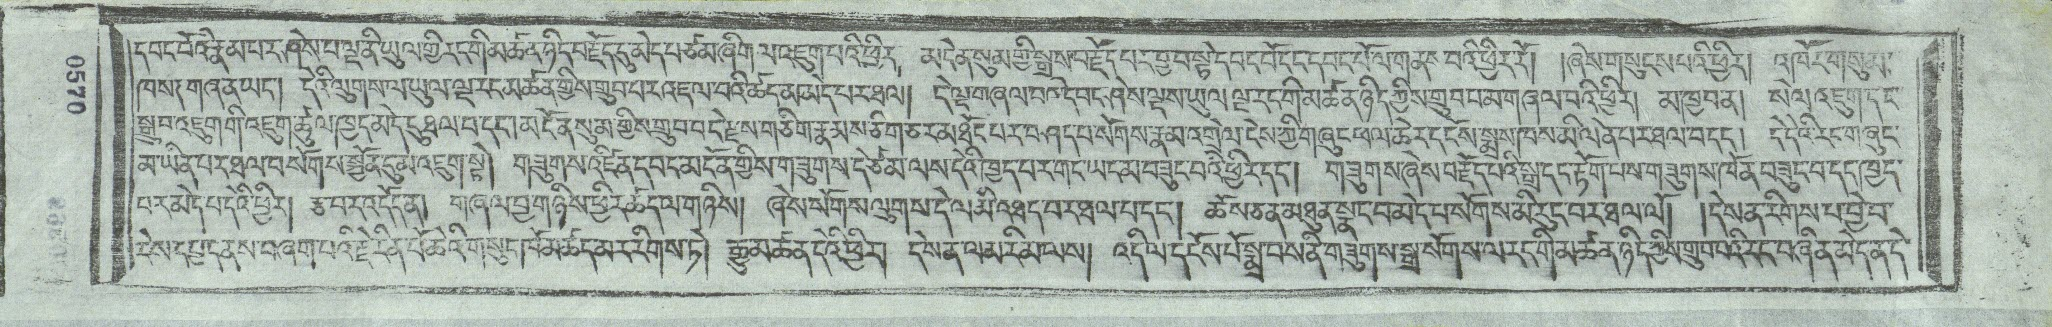དབང་པོའི་རྣམ་པར་ཤེས་པ་ལྔ་ནི་ཡུལ་གྱི་རང་གི་མཚན་ཉིད་བརྗོད་དུ་མེད་པ་ཙམ་ཞིག་ལ་འཇུག་པའི་ཕྱིར། མངོན་སུམ་གྱི་སྒྲས་བརྗོད་པར་བྱ་བ་སྟེ་དབང་པོ་དང་དབང་པོ་ལ་གནས་པའི་ཕྱིར་རོ། །ཞེས་གསུངས་པའི་ཕྱིར། འཁོར་གསུམ་
ཁས། གཞན་ཡང་། དེའི་ལུགས་ལ་ཡུལ་ལྔ་རང་མཚན་གྱིས་གྲུབ་པར་འཇལ་བའི་ཚད་མ་མེད་པར་ཐལ། དེ་ལྔ་གཞལ་བའི་དབང་ཤེས་ལྔས་ཡུལ་ལྔ་རང་གི་མཚན་ཉིད་ཀྱིས་གྲུབ་པ་མ་གཞལ་བའི་ཕྱིར། མ་ཁྱབ་ན། སེལ་འཇུག་དང་
སྒྲུབ་འཇུག་གི་འཇུག་ཚུལ་ཁྱད་མེད་དུ་ཐལ་བ་དང་། མངོན་སུམ་གྱིས་གྲུབ་བ་དེ་རྫས་གཅིག་རྣམས་ཅིག་ཅར་མཐོང་པར་བཤད་པ་སོགས་རྣམ་འགྲེལ་ངེས་ཀྱི་གཞུང་ཕལ་ཆེར་དངོས་སྨྲས་ཁས་མི་ལེན་པར་ཐལ་བ་དང་། དེ་དེའི་རང་གཞུང་
མ་ཡིན་པར་ཐལ་བ་སོགས་སྐྱོན་དུ་མ་འཇུག་སྟེ། གཟུགས་འཛིན་དབང་མངོན་གྱིས་གཟུགས་དེ་ཙམ་ལས་དེའི་ཁྱད་པར་གང་ཡང་མ་བཟུང་བའི་ཕྱིར་དང་། གཟུགས་ཞེས་བརྗོད་པའི་སྒྲ་དང་རྟོག་པས་གཟུགས་ཁོ་ན་བཟུང་བ་དང་ཁྱད་
པར་མེད་པ་དེའི་ཕྱིར། རྩ་བར་འདོད་ན། གཞལ་བྱ་གཉིས་ཕྱིར་ཚད་ལ་གཉིས། ཞེས་སོགས་ལུགས་དེ་ལ་མི་འཐད་བར་ཐལ་པ་དང་། ཆོས་ཅན་མཐུན་སྣང་བ་མེད་པ་སོགས་མི་རུང་བར་ཐལ་ལོ། །དེས་ན་རིགས་པ་བྱེ་བ་
རེས་དཔྱད་ནས་བཞག་པའི་རྗེ་རིན་པོ་ཆེའི་གསུང་ཁོ་མཚད་མར་རིགས་ཏེ། རྒྱུ་མཚན་དེའི་ཕྱིར། དེས་ན་ལམ་རིམ་ལས། འདི་ལ་དངོས་པོ་སྨྲ་བས་ནི་གཟུགས་སྒྲ་སོགས་ལ་རང་གི་མཚན་ཉིད་ཀྱིས་གྲུབ་པའི་རང་བཞིན་མེད་ན་དེ་